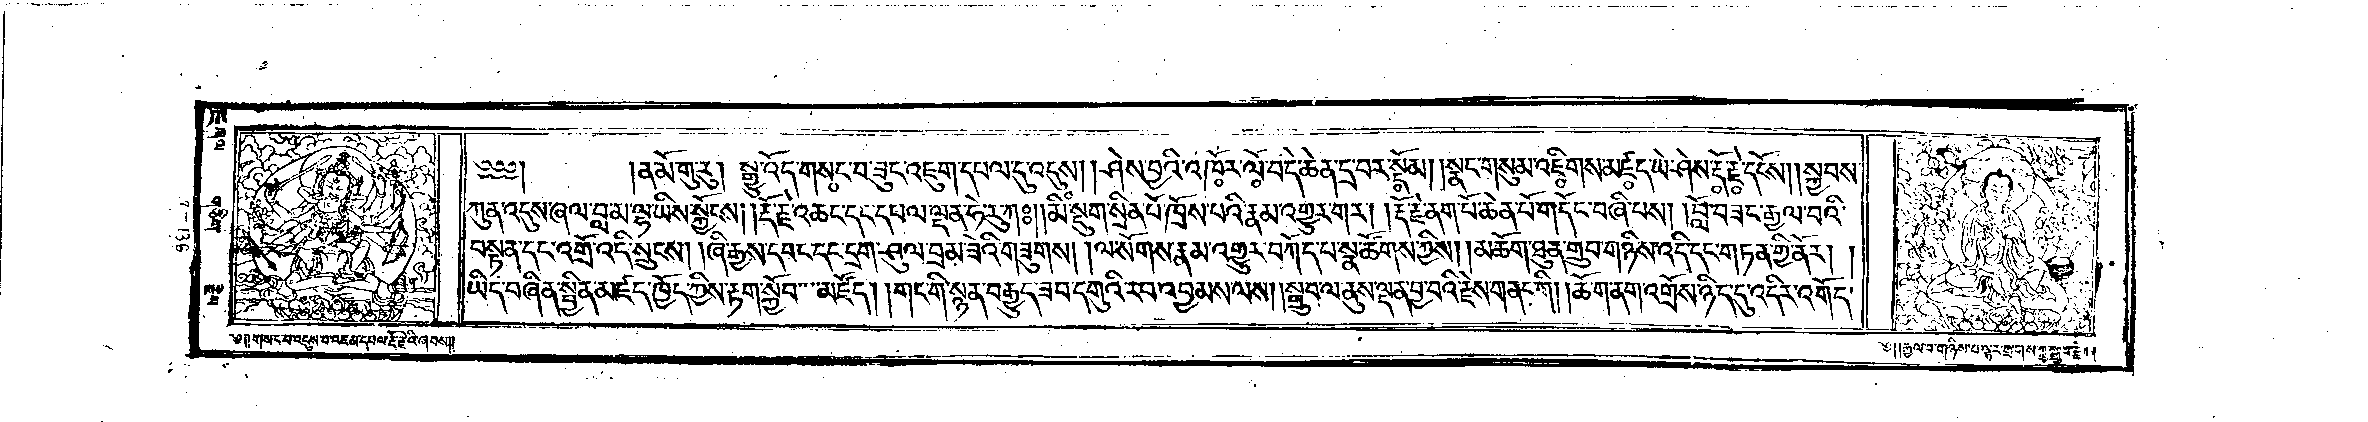༄༅༅། །ན་མོ་གུ་རུ། སྒྱུ་འོད་གསང྾་བ་ཟུང་འཇུག་དཔལ་དུ་འདུས། །ཤེས་བྱའི་འཁོར྾་ལོ྾་བདེ་ཆེན་དྲ་བར་སྡོམ྾། །སྣང་གསུམ་འཇིགས྾་མཛད྾་ཡེ་ཤེས་རྡོ྾་རྗེ྾་དངོས། །སྐྱབས་
ཀུན་འདུས་ཞལ་བླ་མ་ལྷ་ཡིས་སྐྱོངས། །རྡོ་རྗེ་འཆང་དང་དཔལ་ལྡན་ཧེ་རུ་ཀཿ། །མི་སྡུག་སྲིན་པོ་ཁྲོས་པའི་རྣམ་འགྱུར་གར། །རྡོ་རྗེ་ནག་པོ་ཆེན་པོ་གདོང་བཞི་པས། །བློ་བཟང་རྒྱལ་བའི་
བསྟན་དང་འགྲོ་འདི་སྲུངས། །ཞི་རྒྱས་དབང་དང་དྲག་ཤུལ་བྲམ་ཟེའི་གཟུགས། །ལ་སོགས་རྣམ་འགྱུར་བཀོད་པ་སྣ་ཚོགས་ཀྱིས། །མཆོག་ཐུན་གྲུབ་གཉིས་འདི་དང་གཏན་གྱི་ནོར། །
ཡིད་བཞིན་སྦྱིན་མཛད་ཁྱོད་ཀྱིས་རྟག་སྐྱོབ་མཛོད། །གང་གི་སྙན་བརྒྱུད་ཟབ་དགུའི་རབ་འབྱམས་ལས། །སྒྲུབ་ལ་ནུས་ལྡན་བྱ་བའི་རྗེས་གནང་གི། །ཆོ་ག་ནག་འགྲོས་ཉིད་དུ་འདིར་འགོད་